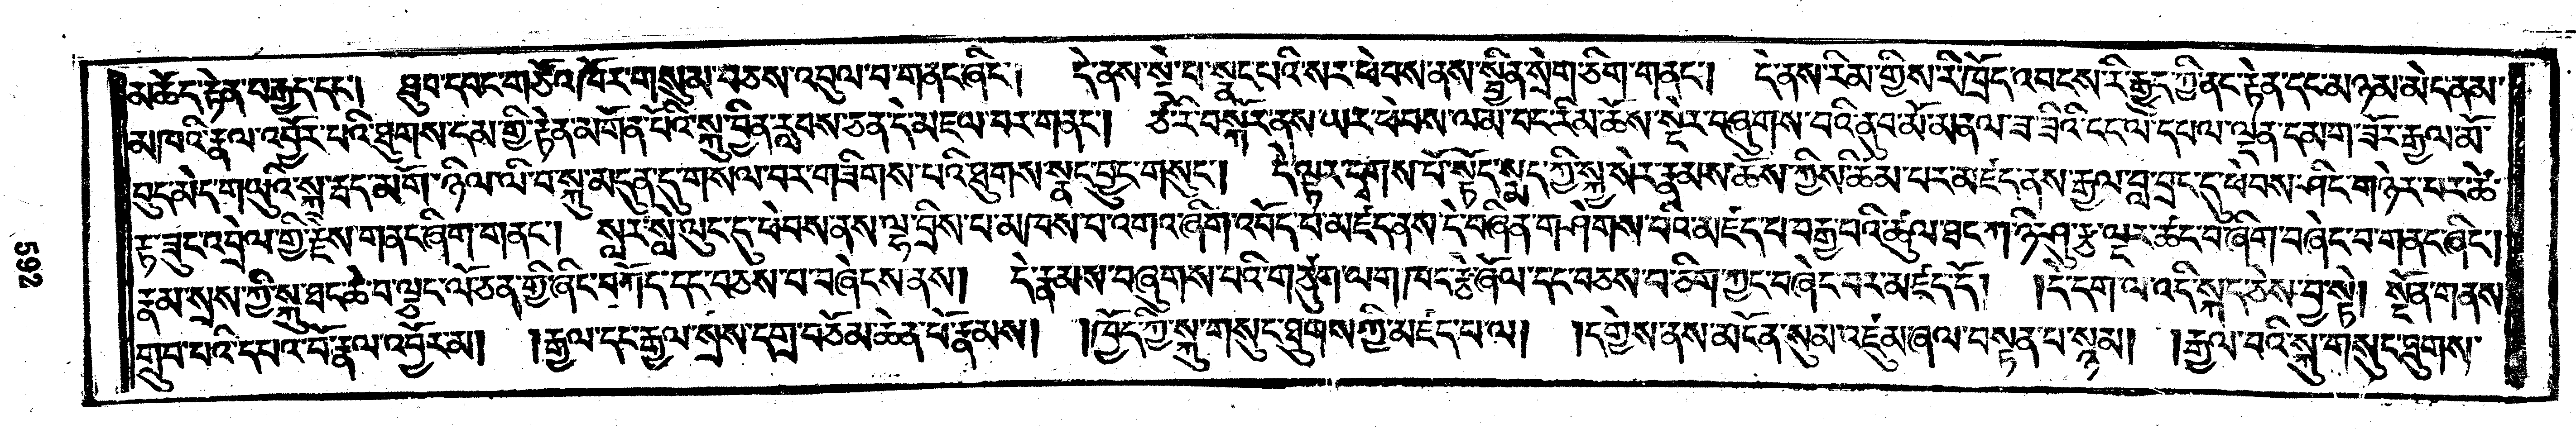མཆོད་རྟེན་བརྒྱད་དང་། ཐུབ་དབང་གཙོ་འཁོར་གསུམ་བཅས་འབུལ་བ་གནང་ཞིང་། དེ་ནས་སྡེ་པ་སྣང་པའི་སར་ཕེབས་ནས་སྦྱིན་སྲེག་ཅིག་གནང་། དེ་ནས་རིམ་གྱིས་རི་ཁྲོད་འབངས་རི་རྒྱུད་ཀྱི་ནང་རྟེན་དང་མཉམ་མེད་ནམ་
མཁའི་རྣལ་འབྱོར་པའི་ཐུགས་དམ་གྱི་རྟེན་མགོན་པོའི་སྐུ་བྱིན་རླབས་ཅན་དེ་མཇལ་བར་གནང་། ཙ་རི་བསྐོར་ནས་ཡར་ཕེབས་ལ་མ་བང་རིམ་ཆོས་སྔེར་བཞུགས་བའི་ནུབ་མོ་མནལ་ཟ་ཟིའི་དད་ལ་དཔལ་ལྡན་དམག་ཟོར་རྒྱལ་མོ་
བུད་མེད་གཡུའི་སྐྲ་རྦད་མགོ་ཉིལ་ལི་བ་སྐུ་མདུན་དུ་གསལ་བར་གཟིགས་པའི་ཐུགས་སྣང་བྱུང་གསུང་། དེ་ལྟར་དྭགས་པོ་སྟོད་སྨད་ཀྱི་སྐྱ་སེར་རྣམས་ཆོས་ཀྱིས་ཚིམ་པར་མཛད་ནས་རྒྱལ་བླ་བྲང་དུ་ཕེབས་ཤིང་གཉེར་པར་ཚེ་
རྟ་ཟུང་འབྲེལ་གྱི་རྗེས་གནང་ཞིག་གནང་། སླར་སླེ་ལུང་དུ་ཕེབས་ནས་ལྷ་བྲིས་པ་མཁས་པ་འགའ་ཞིག་འབོད་བ་མཛད་ནས་དེ་བཞིན་གཤེགས་བའི་མཛད་པ་བརྒྱ་བའི་ཚུལ་ཐང་ཀ་ཉི་ཤུ་རྩ་ལྔར་ཚང་བ་ཞིག་བཞེང་བ་གནང་ཞིང་།
རྣམ་སྲས་ཀྱི་སྐུ་ཐང་ཆེ་བ་ལྕང་ལོ་ཅན་གྱི་ཞིང་བཀོད་དང་བཅས་པ་བཞེངས་ནས། དེ་རྣམས་བཞུགས་པའི་གཙུག་ལག་ཁང་རྩེ་ཞོལ་དང་བཅས་པ་ཅིག་ཀྱང་བཞེང་བར་མཛད་དོ། །དེ་དག་ལ་འདི་སྐད་ཅེས་བྱ་སྟེ། སྔོན་གནས་
གྲུབ་པའི་དཔའ་བོ་རྣལ་འབྱོར་མ། །རྒྱལ་དང་རྒྱལ་སྲས་དགྲ་བཅོམ་ཆེན་པོ་རྣམས། །ཁྱོད་ཀྱི་སྐུ་གསུང་ཐུགས་ཀྱི་མཛད་པ་ལ། །དགྱེས་ནས་མངོན་སུམ་འཛུམ་ཞལ་བསྟན་པ་སྙམ། །རྒྱལ་བའི་སྐུ་གསུང་ཐུགས་